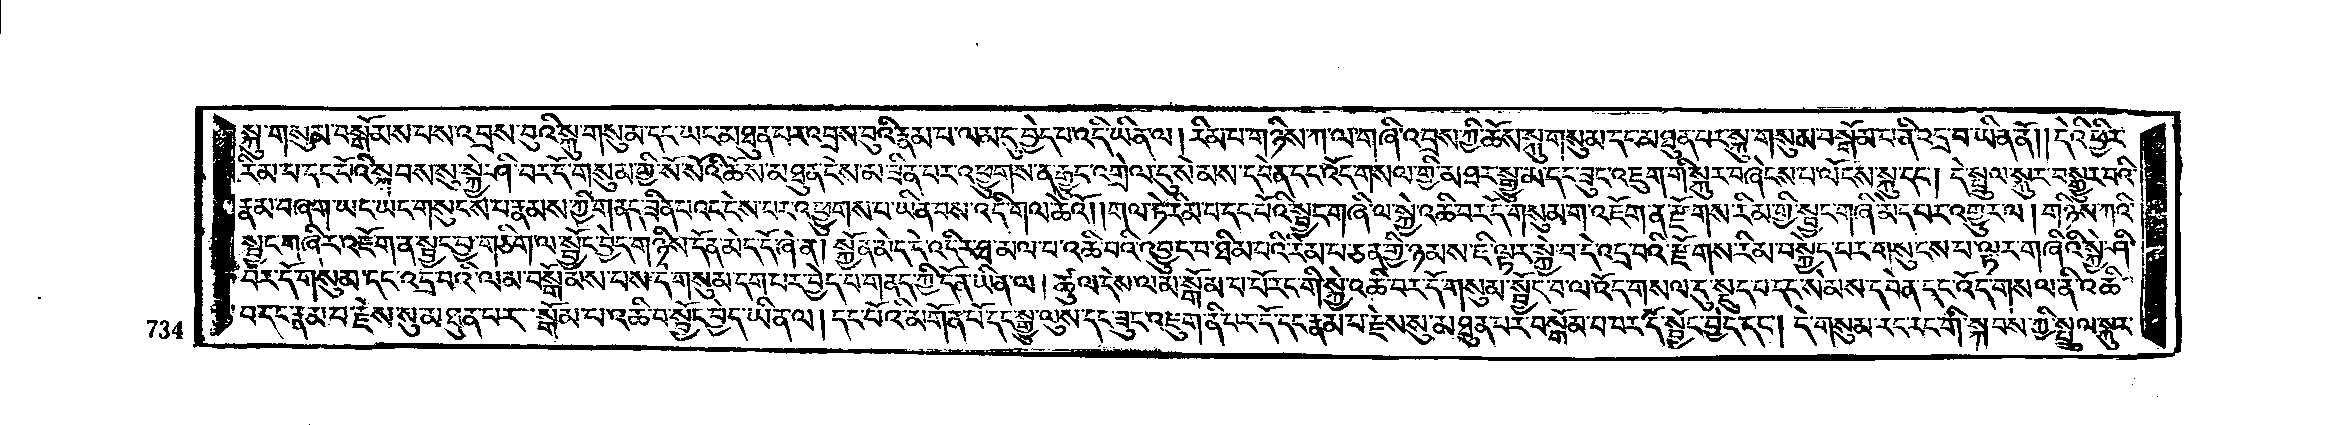སྐུ་གསུམ་བསྒོམས་པས་འབྲས་བུའི་སྐུ་གསུམ་དང་ཡང་མཐུན་པར་འབྲས་བུའི་རྣམ་པ་ལམ་དུ་བྱེད་པ་འདི་ཡིན་ལ། རིམ་པ་གཉིས་ཀ་ལ་གཞི་འབྲས་ཀྱི་ཆོས་སྐུ་གསུམ་དང་མཐུན་པར་སྐུ་གསུམ་བསྒོམ་པ་ནི་འདྲ་བ་ཡིན་ནོ། །དེའི་ཕྱིར་
རིམ་པ་དང་པོའི་སྐབས་སུ་སྐྱེ་ཤི་བར་དོ་གསུམ་གྱི་སོ་སོའི་ཆོས་མཐུན་ངེས་མ་ཟིན་པར་འཕྱུགས་ན་རྒྱུད་འགྲེལ་དུ་སེམས་དབེན་དང་འོད་གསལ་གྱི་མཐར་སྒྱུ་མ་དང་ཟུང་འཇུག་གི་སྐུར་བཞེངས་པ་ལོངས་སྐུ་དང་། དེ་སྤྲུལ་སྐུར་བསྒྱུར་བའི་
རྣམ་བཞག་ཡང་ཡང་གསུངས་པ་རྣམས་ཀྱི་གནད་ཟིན་པའང་ངེས་པར་འཕྱུགས་པ་ཡིན་པས་འདི་གལ་ཆེའོ། །གལ་ཏེ་རིམ་པ་དང་པོའི་སྦྱང་གཞི་ལ་སྐྱེ་འཆི་བར་དོ་གསུམ་ག་འཇོག་ན་རྫོགས་རིམ་གྱི་སྦྱང་གཞི་མེད་པར་འགྱུར་ལ། གཉིས་ཀའི་
སྦྱང་གཞིར་འཇོག་ན་སྦྱང་བྱ་གཅིག་ལ་སྦྱོང་བྱེད་གཉིས་དོན་མེད་དོ་ཞེ་ན། སྐྱོན་མེད་དེ་འདིར་ཐ་མལ་པ་འཆི་བའི་འབྱུང་བ་ཐིམ་པའི་རིམ་པ་ཅན་གྱི་ཉམས་ཇི་ལྟར་སྐྱེ་བ་དེ་འདྲ་བའི་རྫོགས་རིམ་བསྐྱེད་པར་གསུངས་པ་ལྟར་གཞིའི་སྐྱེ་ཤི་
བར་དོ་གསུམ་དང་འདྲ་བའི་ལམ་བསྒོམས་པས་དེ་གསུམ་དག་པར་བྱེད་པ་གནད་ཀྱི་དོན་ཡིན་ལ། ཚུལ་དེས་ལམ་སྒོམ་པ་པོ་རང་གི་སྐྱེ་འཆི་བར་དོ་གསུམ་སྦྱོང་བ་ལ་འོད་གསལ་དུ་སྡུད་པ་དང་སེམས་དབེན་དང་འོད་གསལ་ནི་འཆི་
བ་དང་རྣམ་པ་རྗེས་སུ་མཐུན་པར་སྒོམ་པ་འཆི་བ་སྦྱོང་བྱེད་ཡིན་ལ། དང་པོའི་མགོན་པོ་དང་སྒྱུ་ལུས་དང་ཟུང་འཇུག་ནི་བར་དོ་དང་རྣམ་པ་རྗེས་སུ་མཐུན་པར་བསྒོམ་པ་བར་དོ་སྦྱོང་བྱེད་དང་། དེ་གསུམ་རང་རང་གི་སྐབས་ཀྱི་སྤྲུལ་སྐུར་